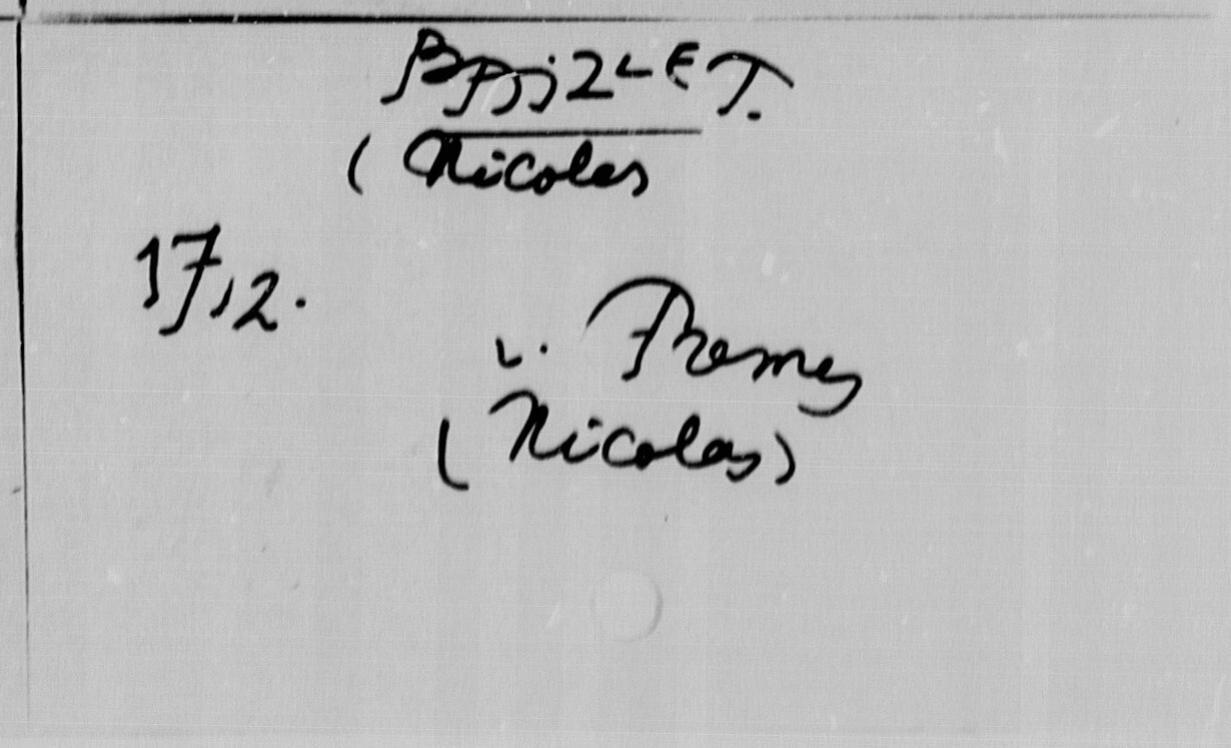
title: BAILLET (Nicolas)
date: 1712
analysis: Voir TREMY (Nicolas)
